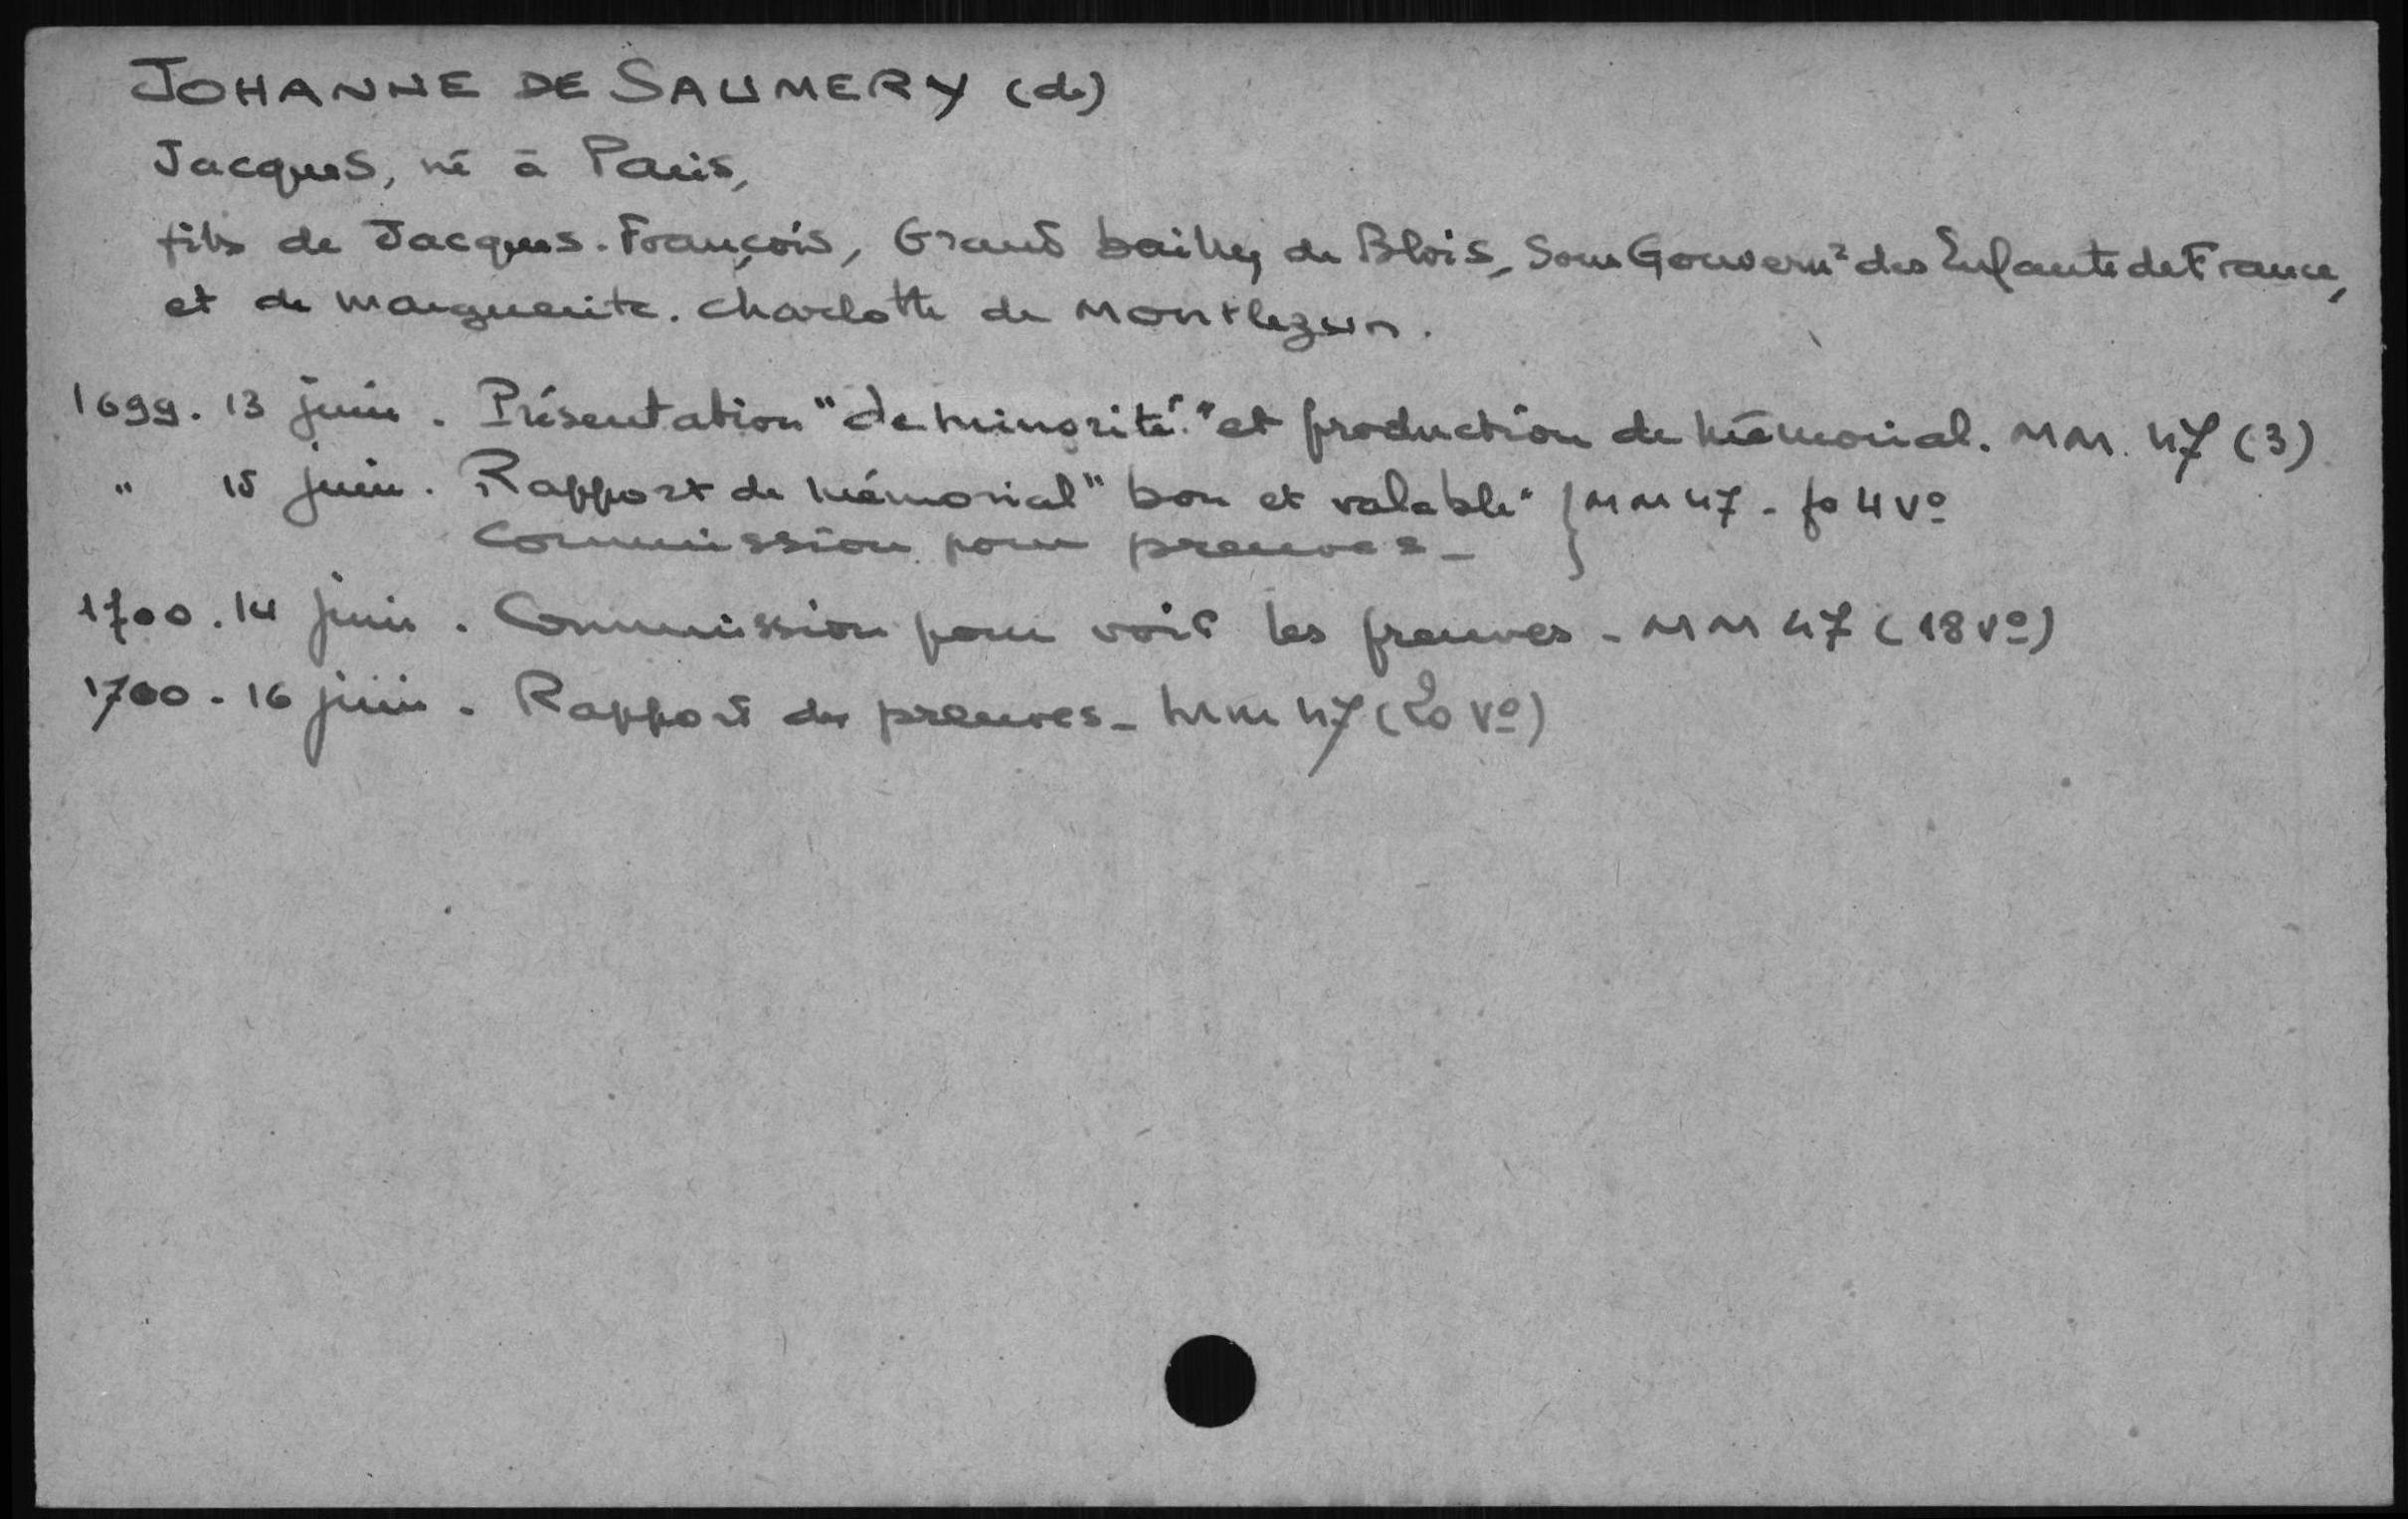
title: JOHANNE DE SAUMERY (de) Jacques, né à Paris fils de Jacques-François, grand bailly de Blois, sous gouverneur des Enfants de France, et de Marguerite-Charlotte de Montlezun
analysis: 1699, 13 juin. Présentation "de minorité" et production de mémorial. MM 47 (3) " 15 juin. Rapport de mémorial "bon et valable" commission pour preuves. MM 47 fol. 4v 1700, 14 juin. Commission pour voir les preuves. MM 47 (18v) 1700, 16 juin. Rapport des preuves. MM 47 (20v)
